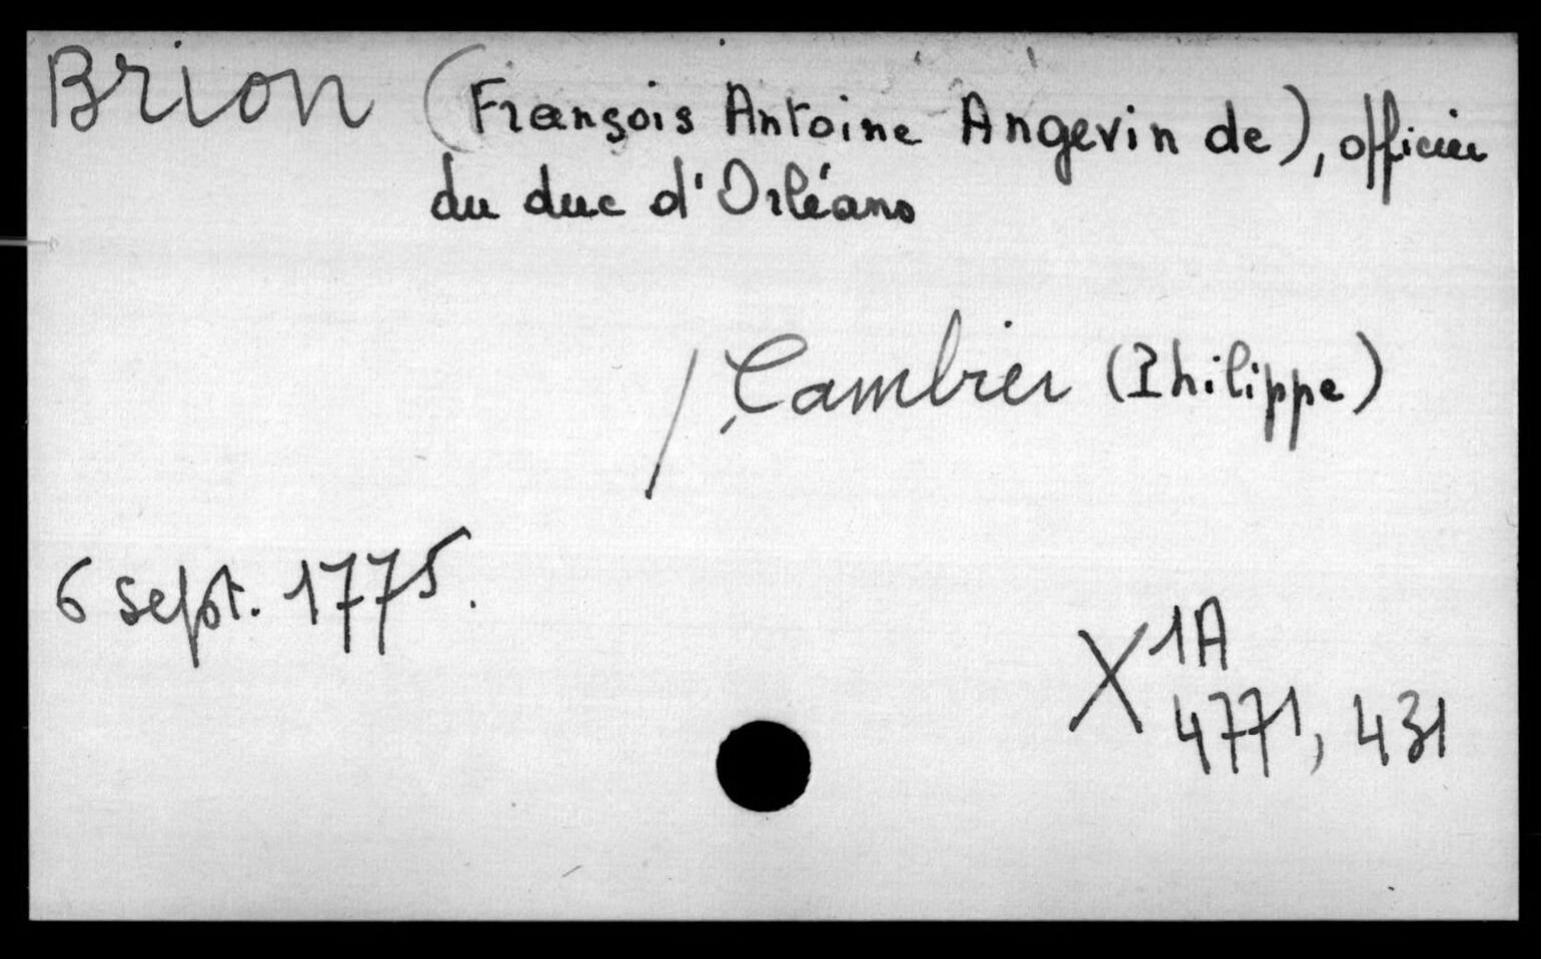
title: BRION (François Antoine Angevin de), officier du duc d'Orléans
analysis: Contre Cambier (Philippe)
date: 6 septembre 1775
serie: X1A
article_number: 4771
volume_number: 431
